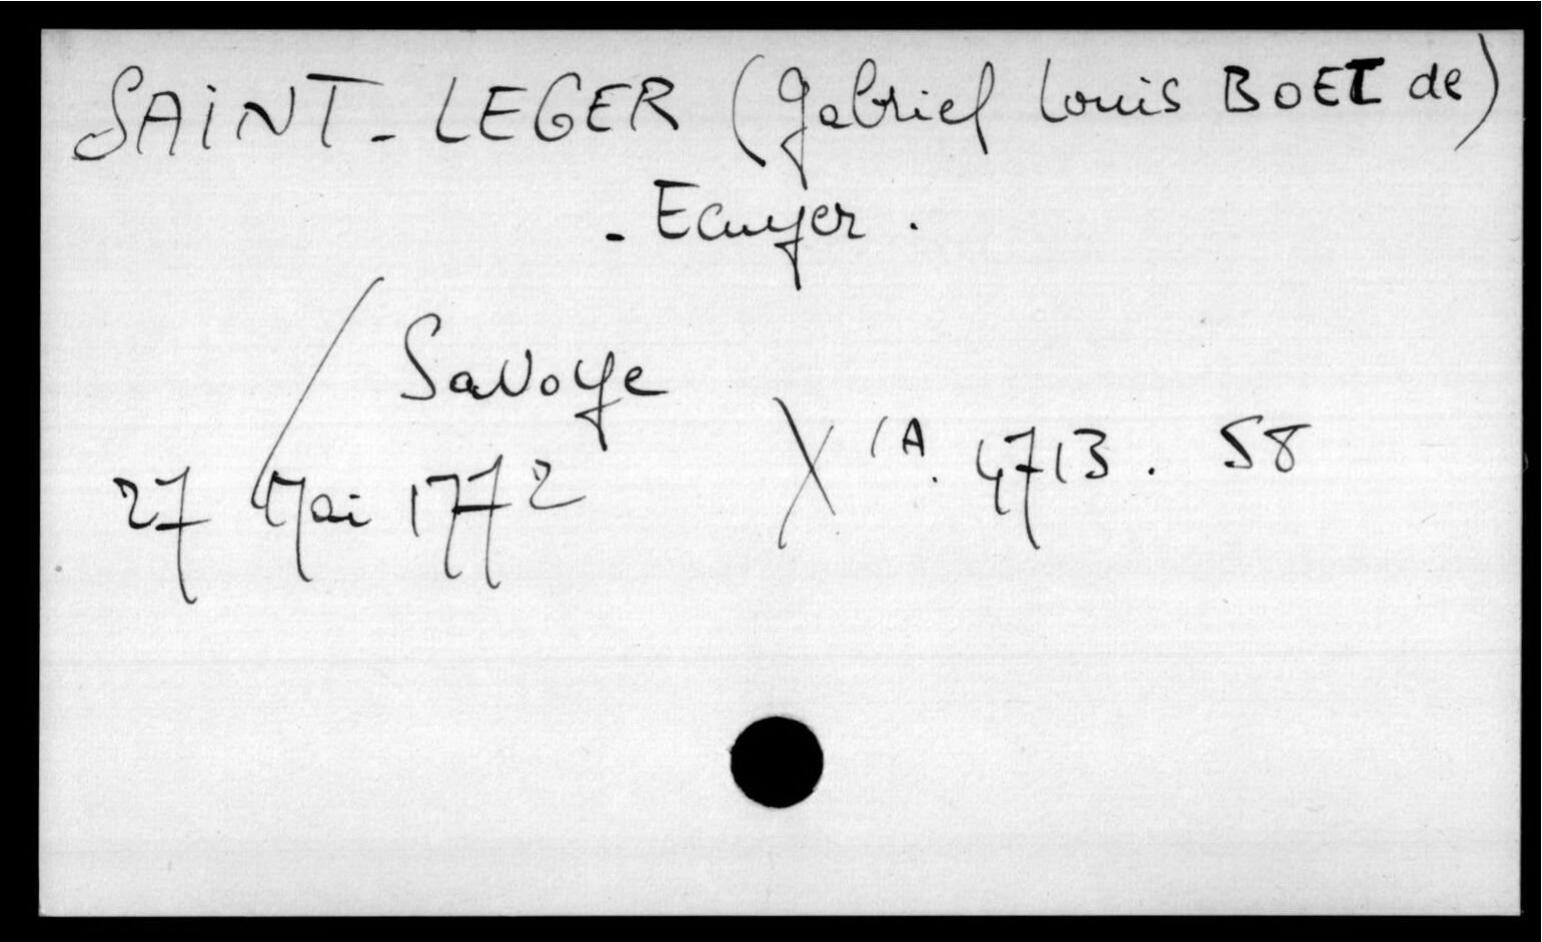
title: SAINT-LÉGER (Gabriel Louis BOEt de) - Écuyer
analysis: Contre Savoye
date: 27 mai 1772
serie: X1A
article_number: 4713
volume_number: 58
